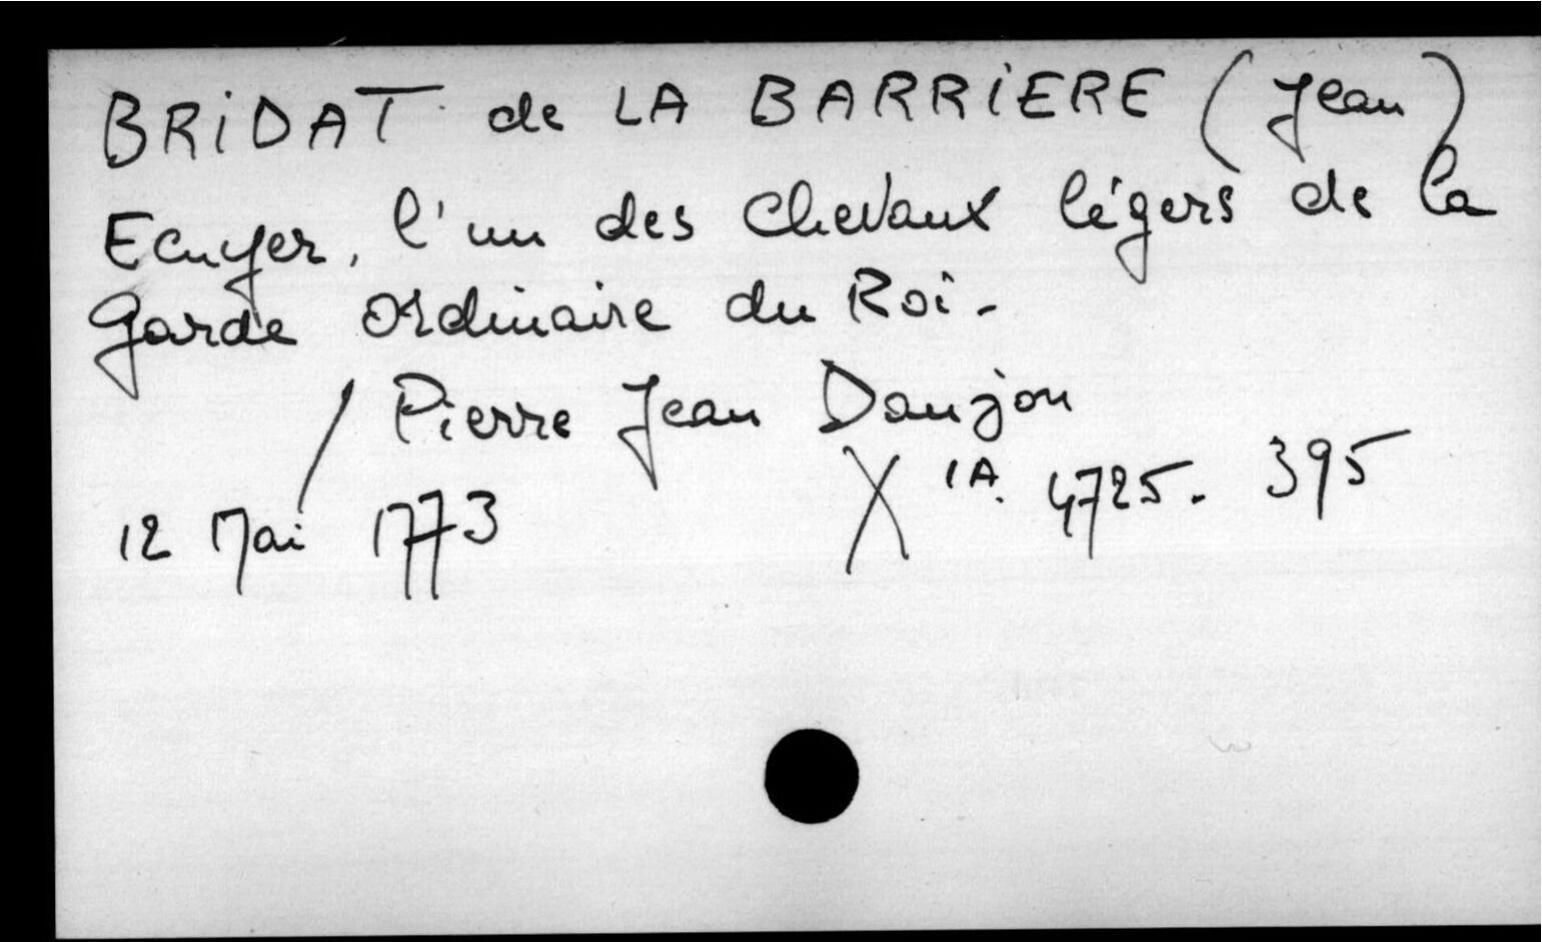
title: BRIDAT de LA BARRIERE (Jean) Ecuyer, l'un des chevaux légers de la Garde Ordinaire du Roi
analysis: Contre Pierre Jean Daujon
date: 12 mai 1773
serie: X1A
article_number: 4725
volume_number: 395
